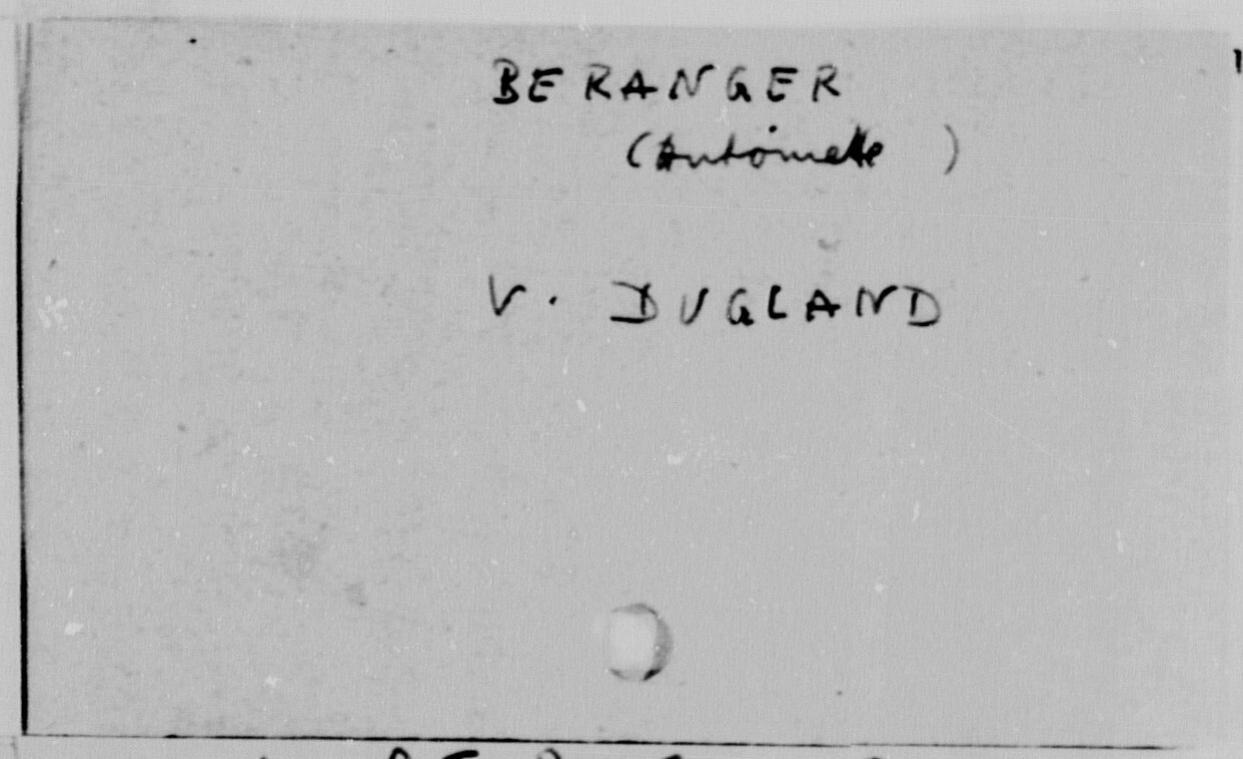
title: BERANGER (Antoinette)
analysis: Voir : DUGLAND
